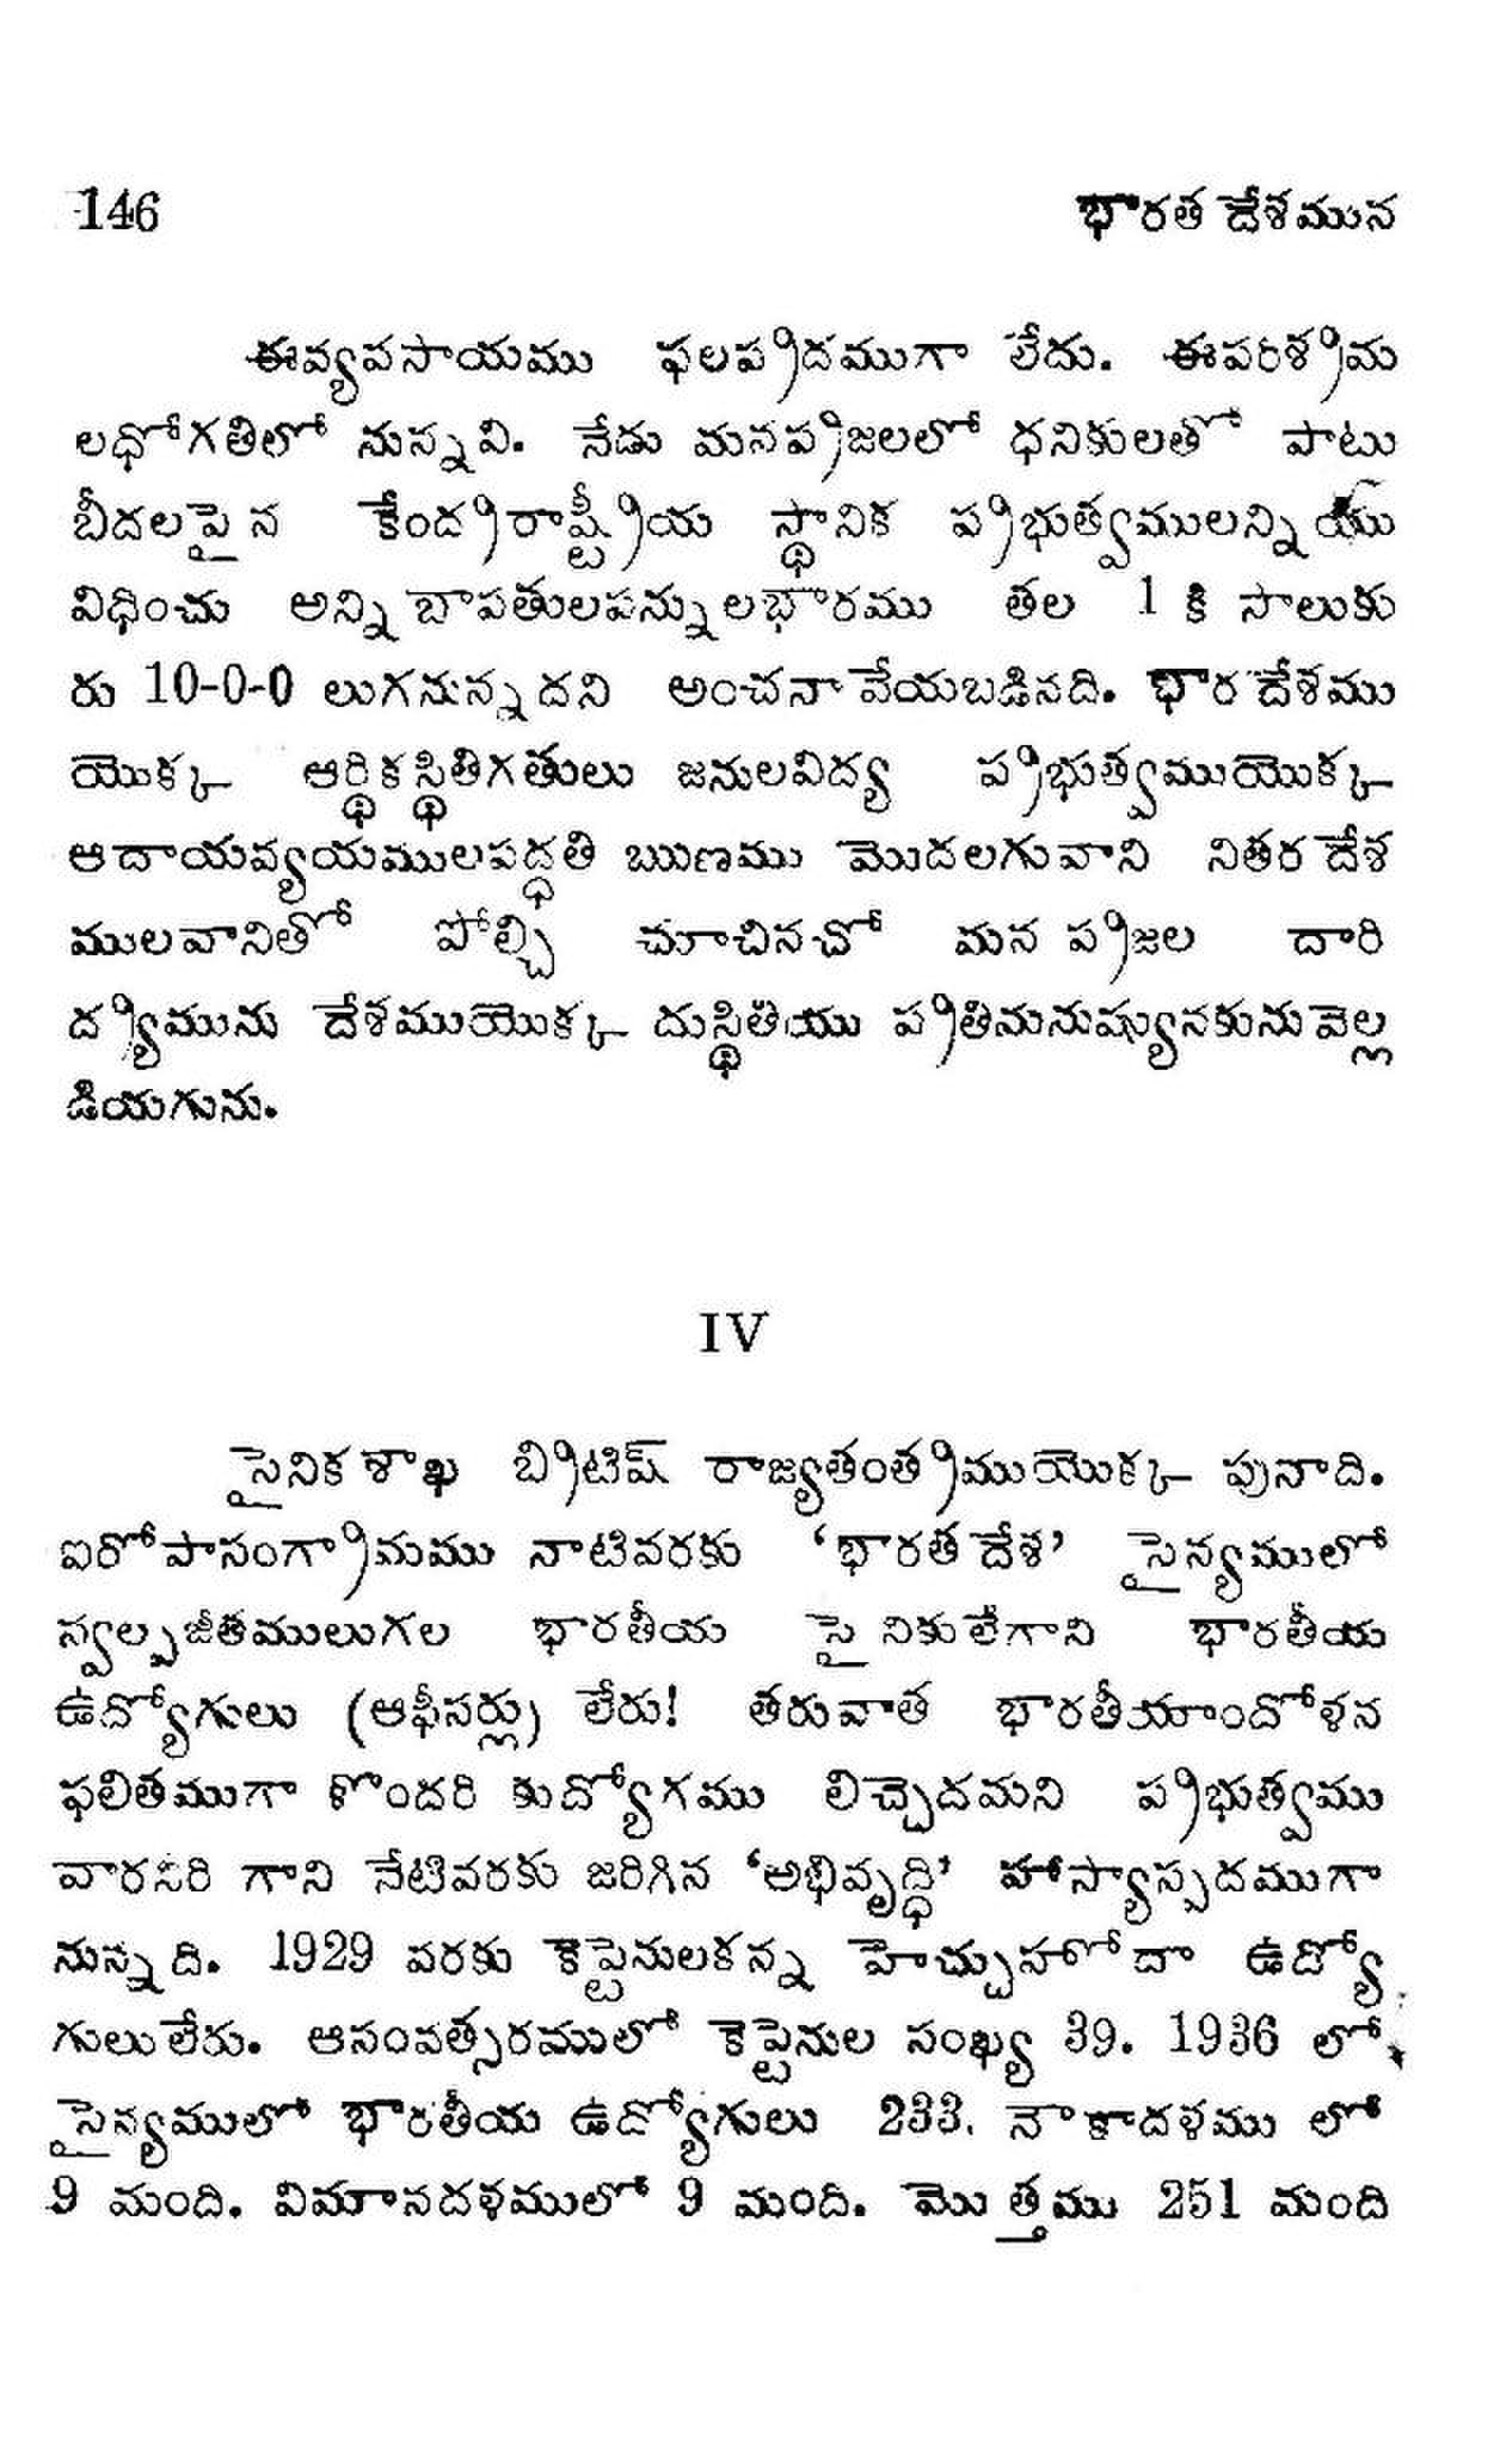ఈవ్యవసాయము ఫలప్రదముగా లేదు. ఈపరిశ్రమ లధోగతిలో నున్నవి. నేడు మనప్రజలలో ధనికులతో పాటు
బీదలపైన కేంద్రరాష్ట్రీయ స్థానిక ప్రభుత్వములన్నియు విధించు అన్ని బాపతులపన్నులభారము తల 1 కి సాలుకు రు 10-0-0 లుగనున్నదని అంచనా వేయబడినది. భారదేశముయొక్క ఆర్థికస్థితిగతులు జనులవిద్య ప్రభుత్వముయొక్క ఆదాయవ్యయములపద్ధతి ఋణము మొదలగువాని నితరదేశములవానితో పోల్చి చూచినచో మన ప్రజల దారిద్ర్యమును దేశముయొక్క దుస్థితియు ప్రతిమనుష్యునకును వెల్లడియగును.

IV

సైనికశాఖ బ్రిటిష్ రాజ్యతంత్రముయొక్క పునాది. ఐరోపాసంగ్రామము నాటివరకు 'భారతదేశ' సైన్యములో స్వల్పజీతములుగల భారతీయ సైనికులేగాని భారతీయ ఉద్యోగులు (ఆఫీసర్లు) లేరు! తరువాత భారతీయాందోళన ఫలితముగా కొందరి కుద్యోగము లిచ్చెదమని ప్రభుత్వము వారనిరి గాని నేటివరకు జరిగిన 'అభివృద్ధి' హాస్యాస్పదముగా నున్నది. 1929 వరకు కెప్టెనులకన్న హెచ్చుహోదా ఉద్యోగులులేరు. ఆసంవత్సరములో కెప్టెనుల సంఖ్య 39. 1936 లో, సైన్యములో భారతీయ ఉద్యోగులు 233. నౌకాదళములో 9 మంది. విమానదళములో 9 మంది. మొత్తము 251 మంది